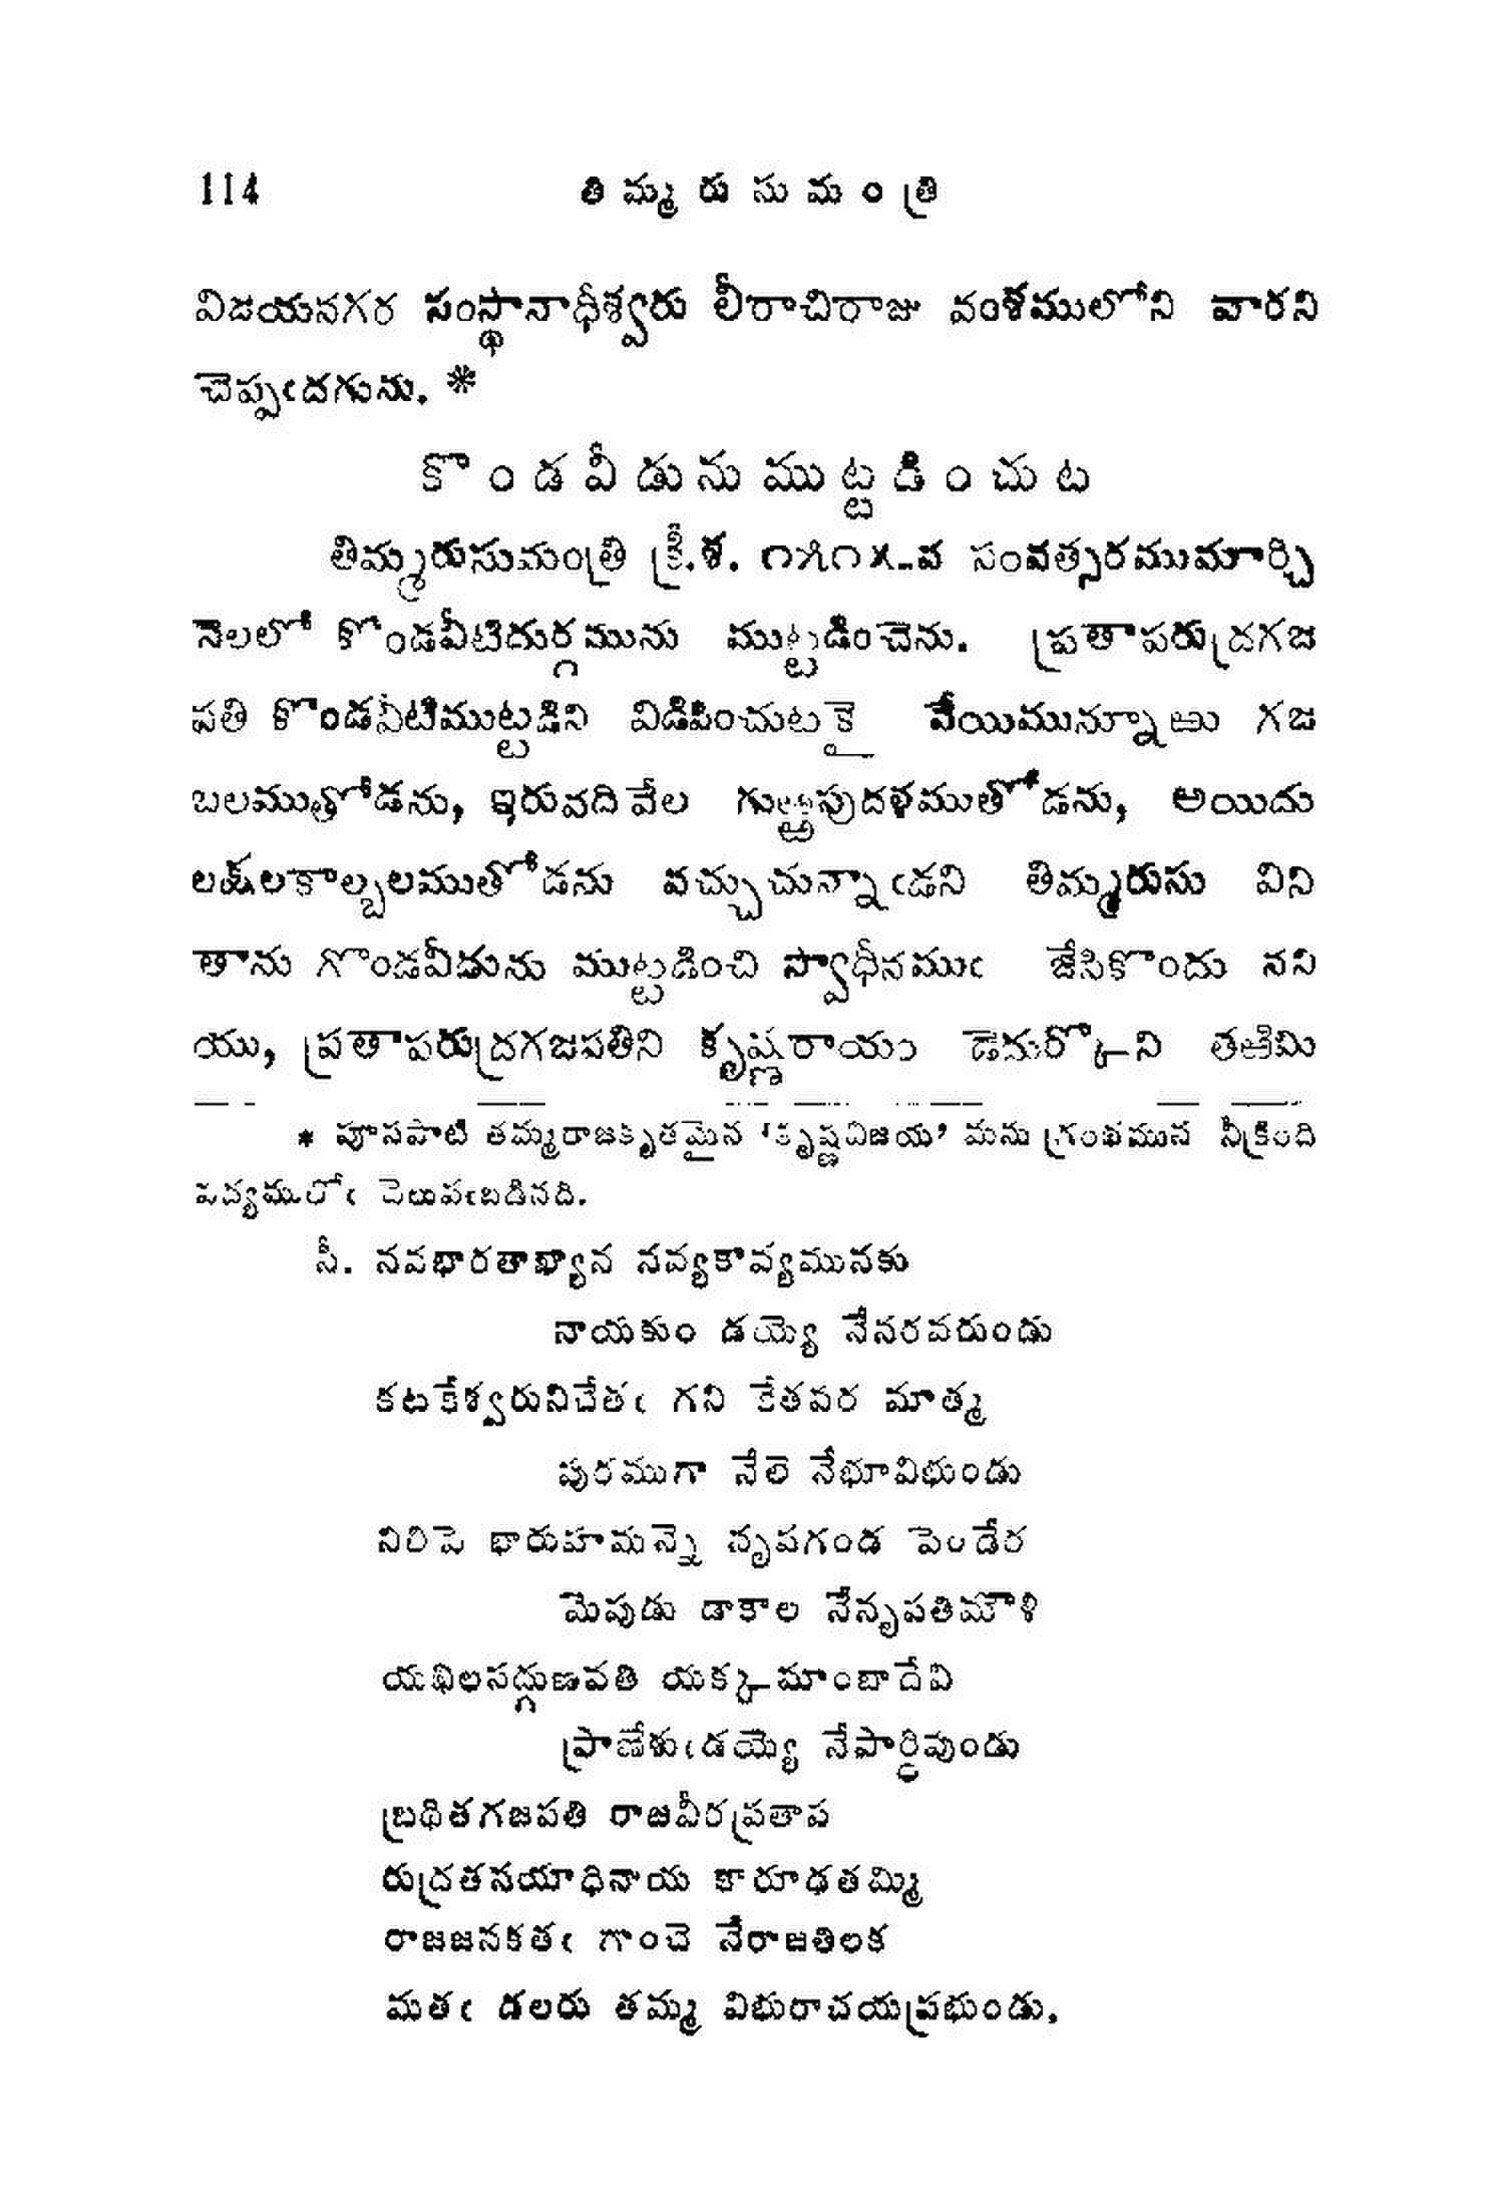విజయనగర సంస్థానాధీశ్వరు లీరాచిరాజు వంశములోని వారని చెప్పఁదగును.

కొండవీడును ముట్టడించుట 

తిమ్మరుసుమంత్రి క్రీ.శ. 1515_వ సంవత్సరము మార్చినెలలో కొండవీటిదుర్గమును ముట్టడించెను. ప్రతాపరుద్రగజపతి కొండవీటిముట్టడిని విడిపించుటకై వేయిమున్నూఱు గజబలముతోడను, ఇరువదివేల గుఱ్ఱపుదళముతోడను, అయిదులక్షలకాల్బలముతోడను వచ్చుచున్నాఁడని తిమ్మరుసు విని తాను కొండవీడును ముట్టడించి స్వాధీనముఁ జేసికొందుననియు, ప్రతాపరుద్రగజపతిని కృష్ణరాయం డెదుర్కొని తఱిమి